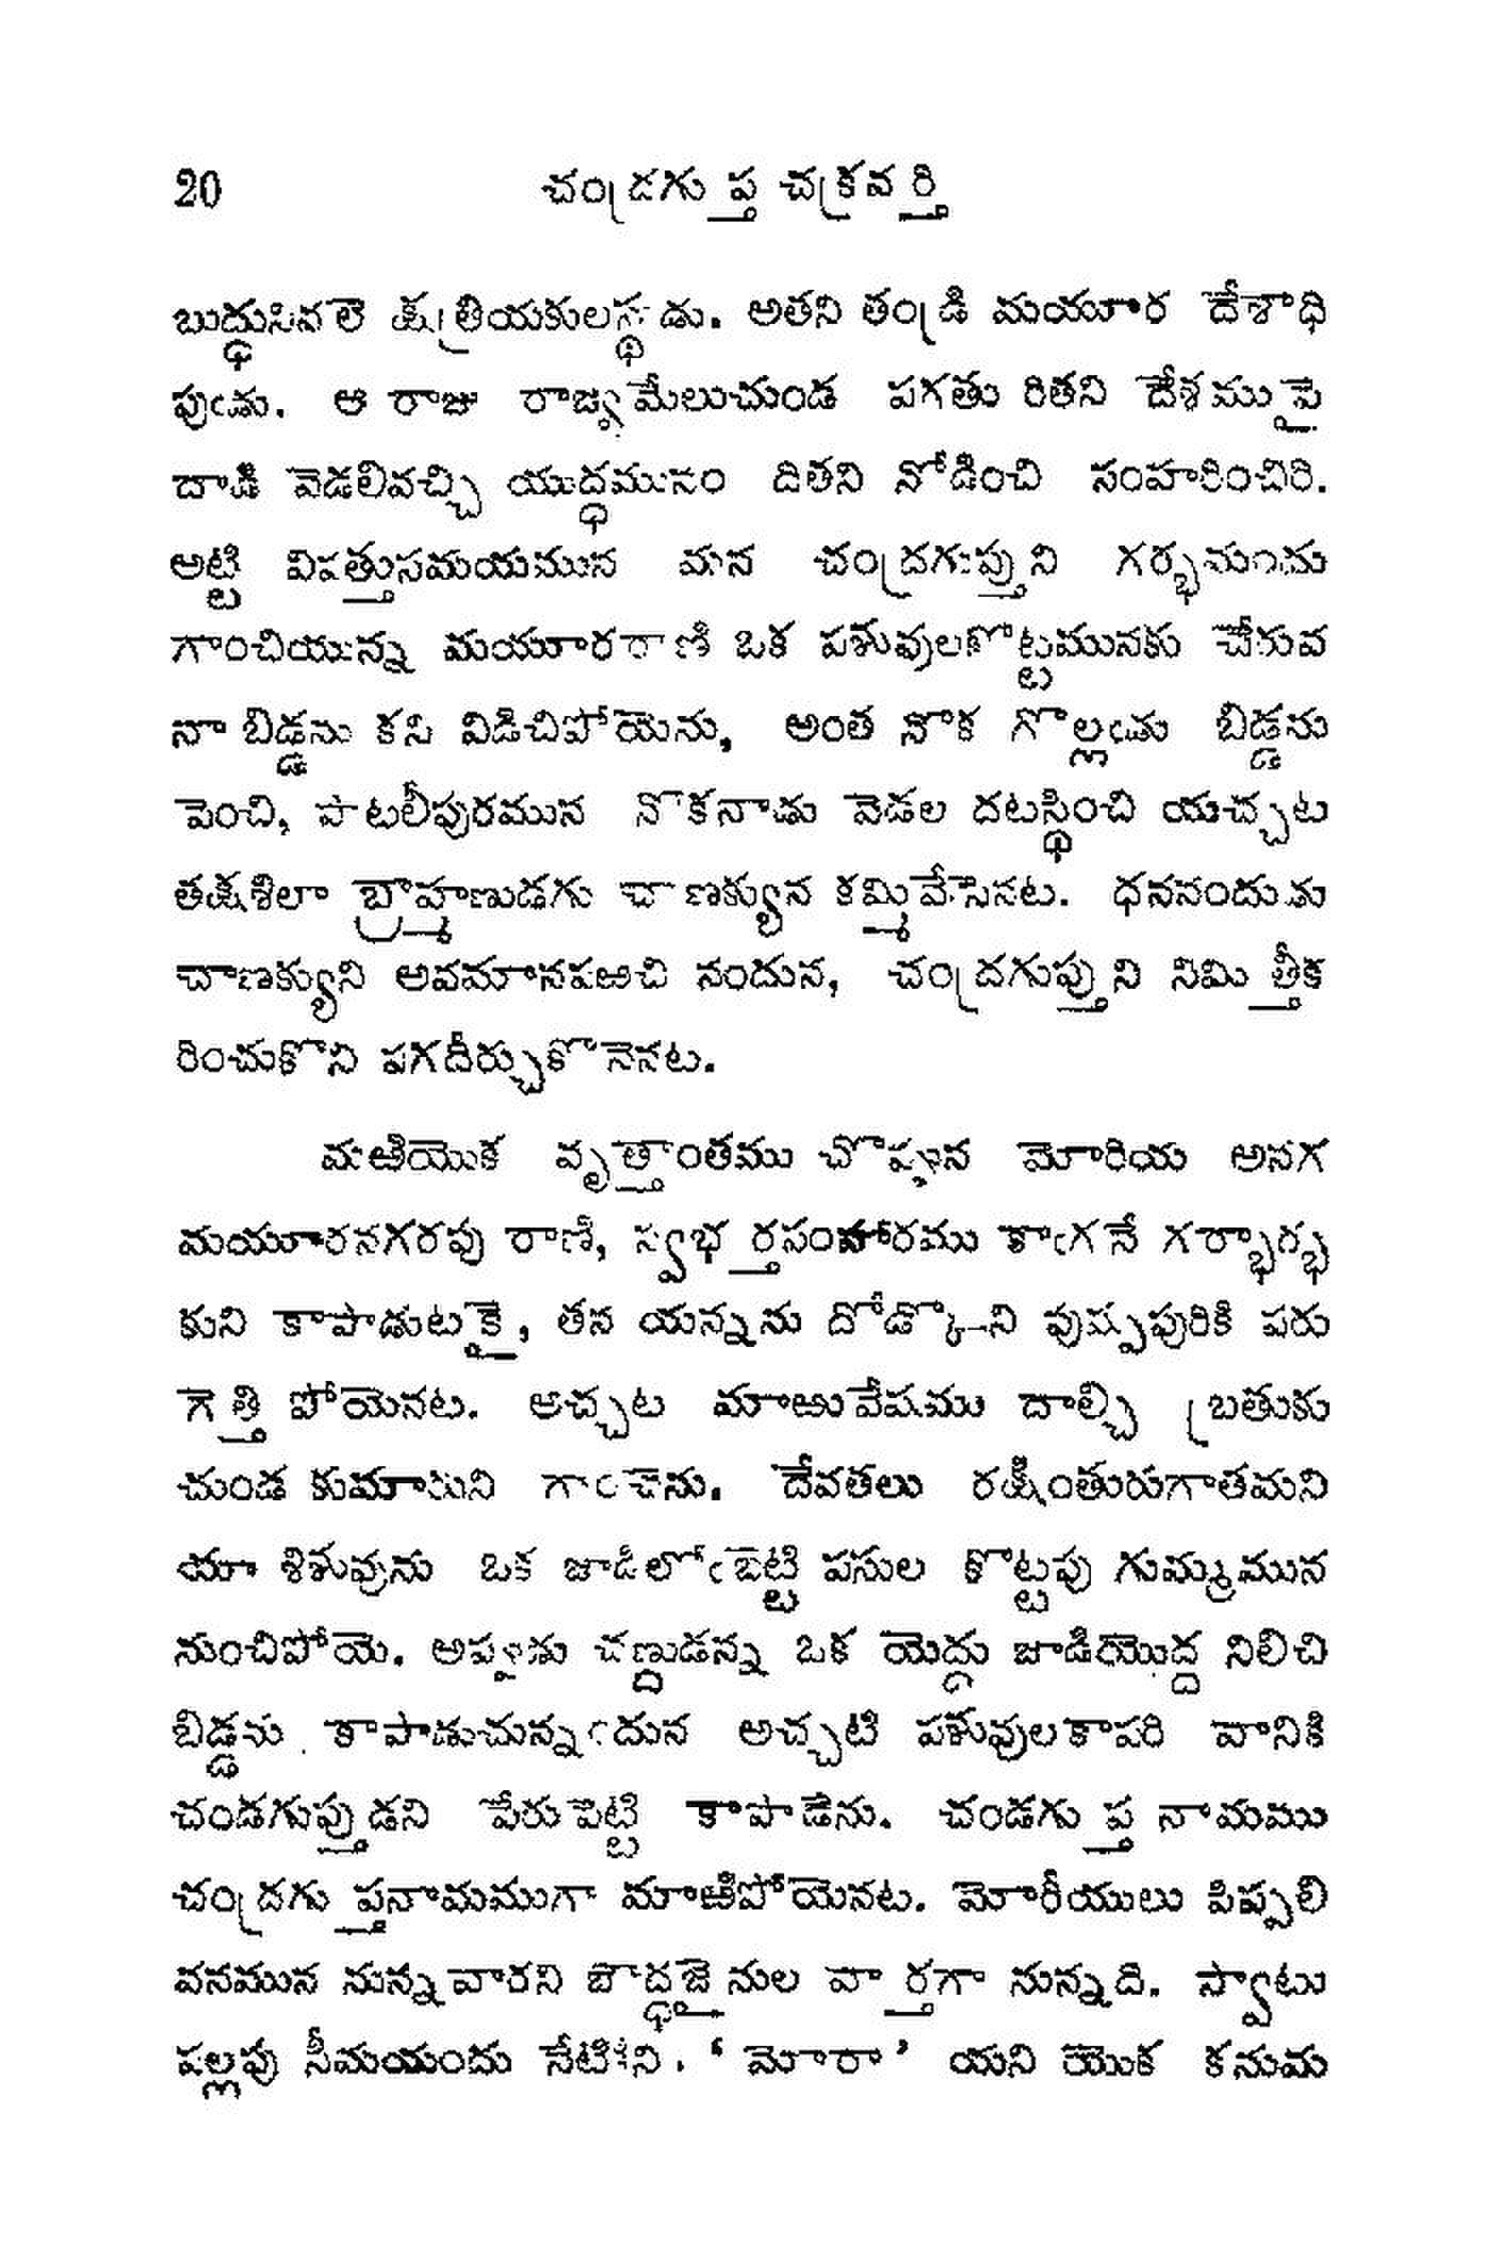బుద్ధునివలె క్షత్రియకులస్థుడు. అతని తండ్రి మయూర దేశాధిపుఁడు. ఆ రాజు రాజ్య మేలుచుండ పగతు రితని దేశముపై దాడి వెడలివచ్చి యుద్ధమునం దితని నోడించి సంహరించిరి. అట్టి విపత్తుసమయమున మన చంద్రగుప్తుని గర్భమందు గాంచియున్న మయూరరాణి ఒక పశువుల కొట్టమునకు చేరువ నా బిడ్డను కని విడిచిపోయెను, అంత నొక గొల్లఁడు బిడ్డను పెంచి, పాటలీపురమున నొకనాడు వెడల దటస్థించి యచ్చట తక్షశిలా బ్రాహ్మణుడగు చాణక్యున కమ్మివేసినట. ధననందుడు చాణక్యుని అవమానపఱచి నందున, చంద్రగుప్తుని నిమిత్తీకరించుకొని పగదీర్చుకొనెనట.

మఱియొక వృత్తాంతము చొప్పున మోరియ అనగ మయూరనగరవు రాణి, స్వభర్తసంహారము కాఁగనే గర్భార్భకుని కాపాడుటకై , తన యన్నను దోడ్కొ ని వుష్పపురికి పరుగెత్తి పోయెనట. అచ్చట మాఱువేషము దాల్చి బ్రతుకు చుండ కుమారుని గాంచెను. దేవతలు రక్షింతురుగాతమని యా శిశువును ఒక జాడీలోఁబెట్టి పసుల కొట్టపు గుమ్మమున నుంచిపోయె. అప్పుడు చణ్దుడన్న ఒక యెద్దు జాడి యొద్ద నిలిచి బిడ్డను కాపాడుచున్నందున అచ్చటి పశువులకాపరి వానికి చండగుప్తుడని పేరుపెట్టి కాపాడెను, చండగుప్త నామము చంద్రగుప్తనామముగా మాఱిపోయెనట. మోరీయులు పిప్పలి వనమున నున్నవారని బౌద్ధజైనుల వార్తగా నున్నది. స్వాటు పల్లపు సీమయందు నేటికిని . “ మోరా ' యని యొక కనుమ